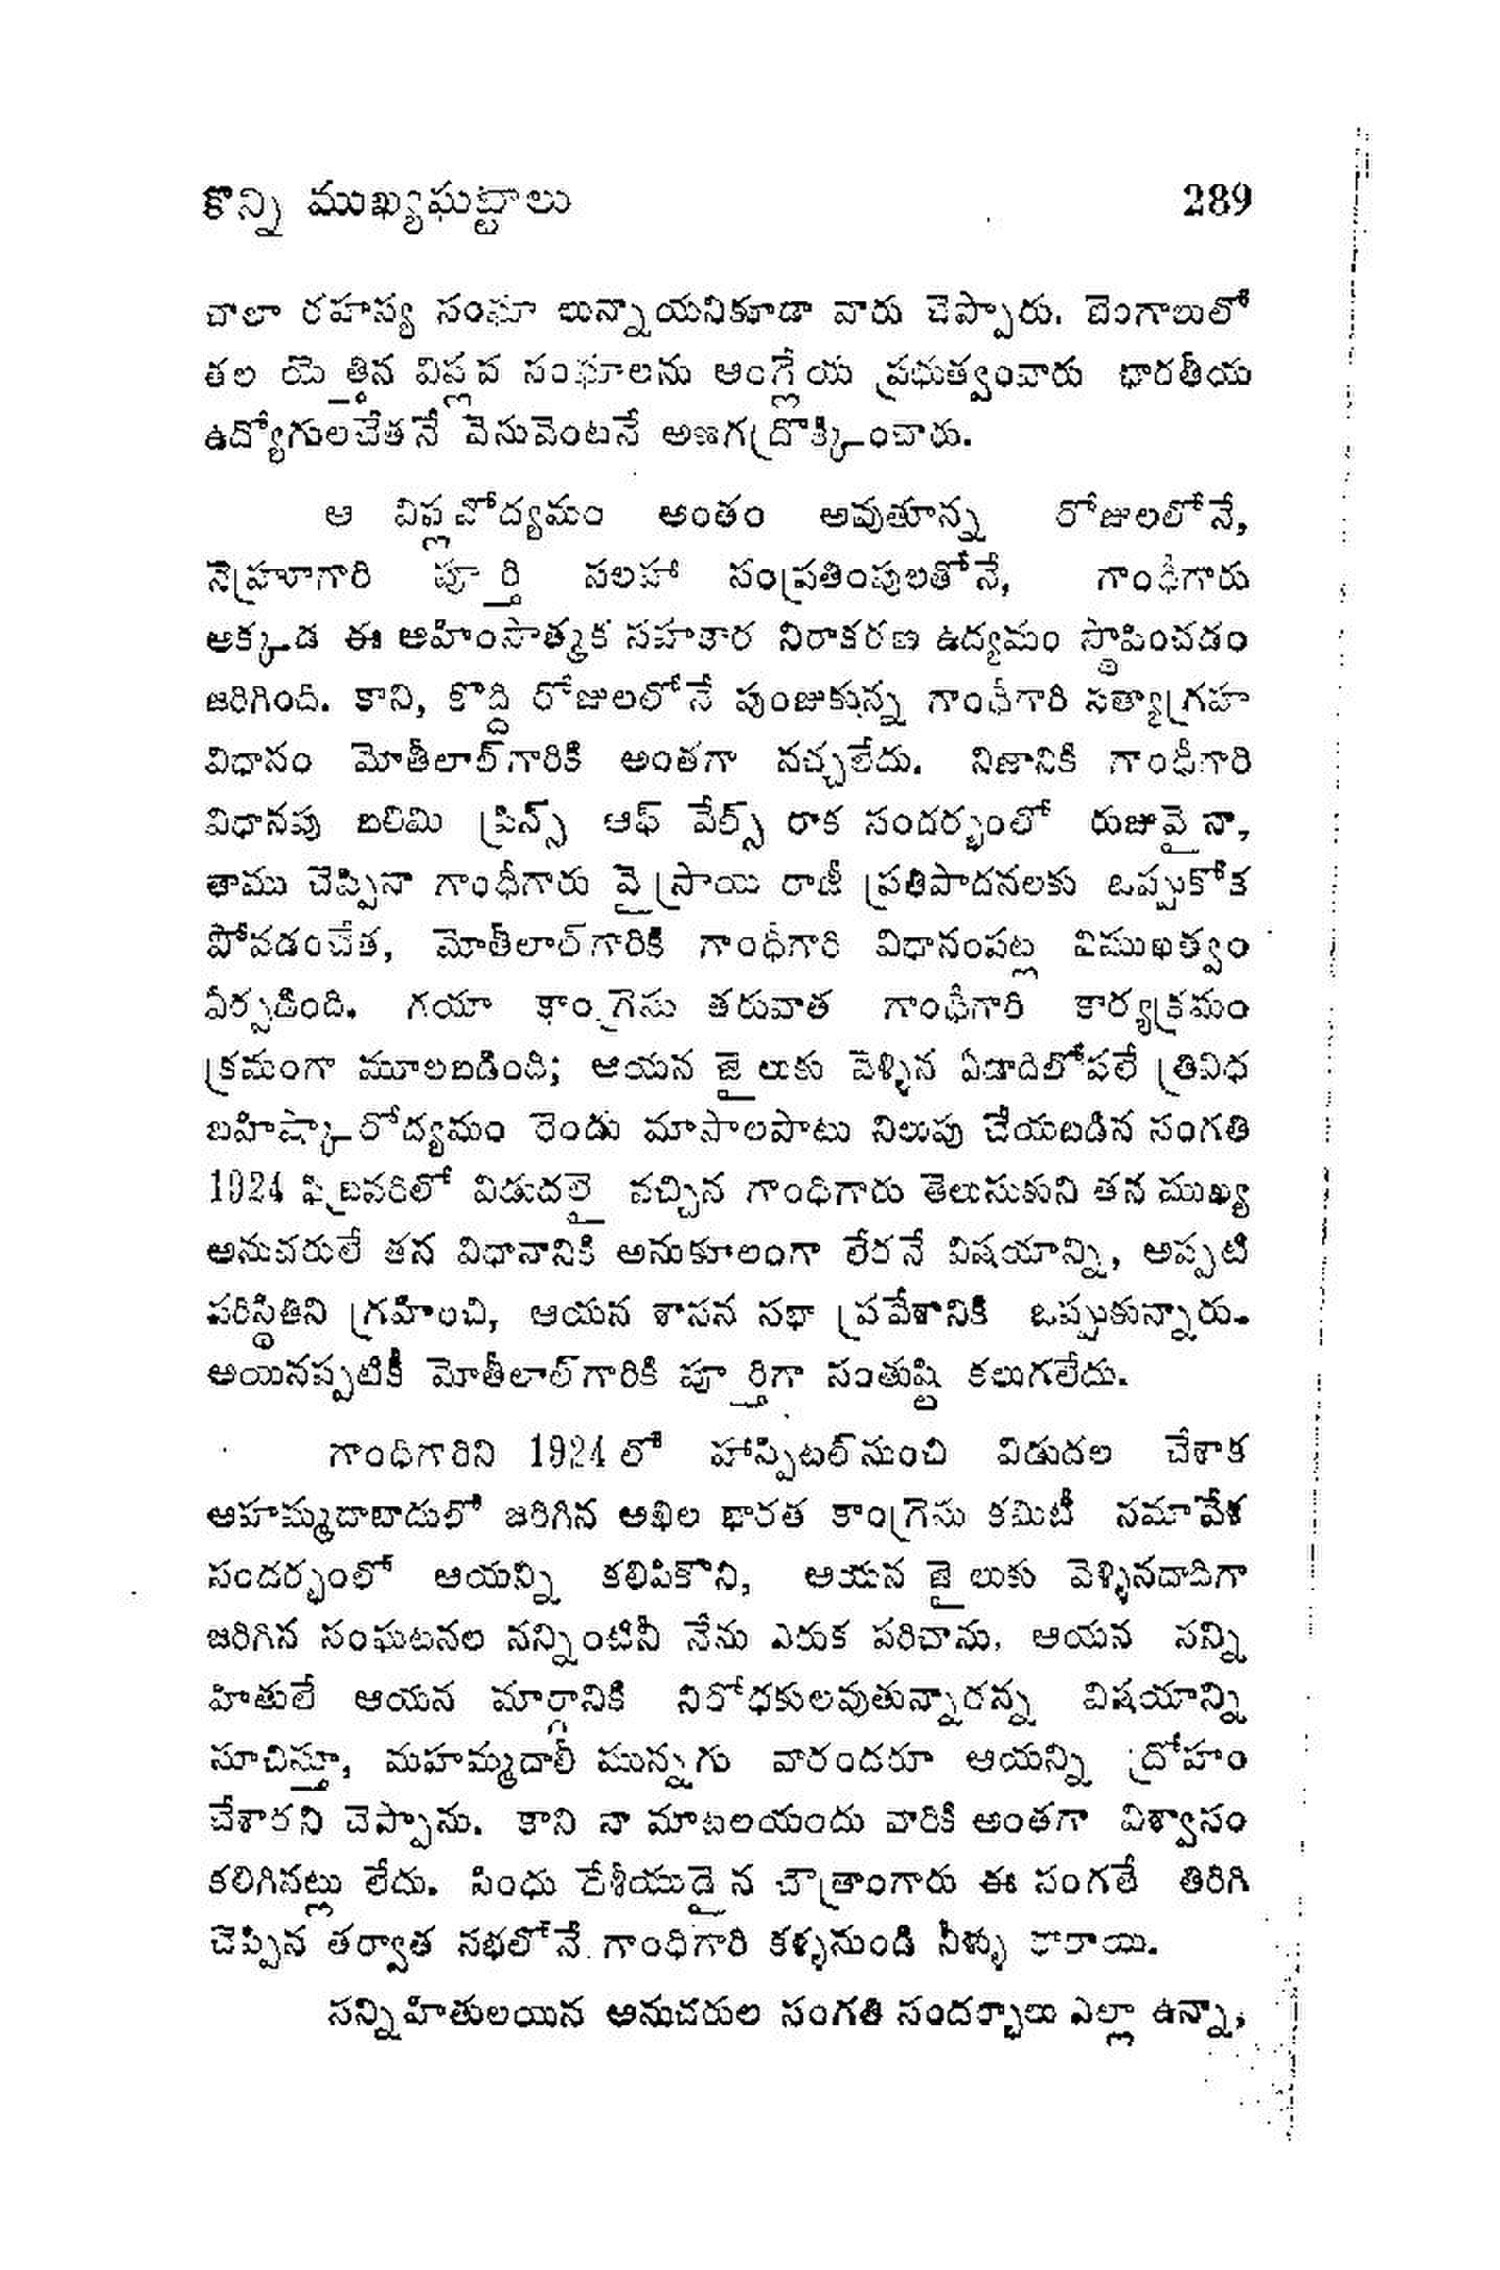చాలా రహస్య సంఘా లున్నాయనికూడా వారు చెప్పారు. బెంగాలులో తల యెత్తిన విప్లవ సంఘాలను ఆంగ్లేయ ప్రభుత్వంవారు భారతీయ ఉద్యోగులచేతేనే వెనువెంటనే అణగద్రొక్కించారు.

ఆ విప్లవోద్యమం అంతం అవుతూన్న రోజులలోనే, నెహ్రూగారి పూర్తి సలహా సంప్రతింపులతోనే, గాంధీగారు అక్కడ ఈ అహింసాత్మక సహకార నిరాకరణ ఉధ్యమం స్థాపించడం జరిగింది. కాని, కొద్ది రోజులలోనే పుంజుకున్న గాంధీగారి సత్యాగ్రహ విధానం మోతిలాల్‌గారికి అంతగా నచ్చలేదు. నిజానికి గాంధీగారి విధానపు బలిమి ప్రిన్స్ ఆఫ్ వేల్స్ రాక సందర్భంలో రుజువైనా, తాము చెప్పినా గాంధీగారు వైస్రాయి రాజీ ప్రతిపాదనలకు ఒప్పుకోక పోవడంచేత, మోతిలాల్‌గారికి గాంధీగారి విధానంపట్ల విముఖత్వం ఏర్పడింది. గయా కాంగ్రెసు తరువాత గాంధీగారి కార్యక్రమం క్రమంగా మూలబడింది.; ఆయన జైలుకు వెళ్ళిన ఏడాదిలోపలే త్రివిధ బహిష్కారోద్యమం రెండు మాసాలపాటు నిలుపు చేయబడిన సంగతి 1924 ఫిబ్రవరిలో విడుదలై వచ్చిన గాంధీగారు తెలుసుకుని తన ముఖ్య అనుచరులే తన విధానానికి అనుకూలంగా లేరనే విషయాన్ని, అప్పటి పరిస్థితిని గ్రహించి, ఆయన శాసన సభా ప్రవేశానికి ఒప్పుకున్నారు. అయినప్పటికి మోతిలాల్‌గారికి పూర్తిగా సంతుష్టి కలుగలేదు.

గాంధీగారిని 1924 లో హాస్పిటల్నుంచి విడుదల చేశాక అహమ్మదాబాదులో జరిగిన అఖిల భారత కాంగ్రెసు కమిటీ సమావేశ సందర్భంలో ఆయన్ని కలిసికొని, ఆయన జైలుకు వెళ్ళినదాదిగా జరిగిన సంఘటనల నన్నింటినీ నేను ఎరుక పరిచాను. ఆయన సన్నిహితులే ఆయన మార్గానికి నిరోధకులవుతున్నారన్న విషయాన్ని సూచిస్తూ, మహమ్మదాలీ మున్నగు వారందరూ ఆయన్ని ద్రోహం చేశారని చెప్పాను. కాని నా మాటలయందు వారికి అంతగా విశ్వాసం కలిగినట్లు లేదు. సింధు దేశీయుడైన చౌత్రాంగారు ఈ సంగతే తిరిగి చెప్పిన తర్వాత సభలోనే గాంధీగారి కళ్ళనుండి నీళ్ళు కారాయి.

సన్నిహితులయిన అనుచరుల సంగతి సందర్భాలు ఎల్లా ఉన్నా,